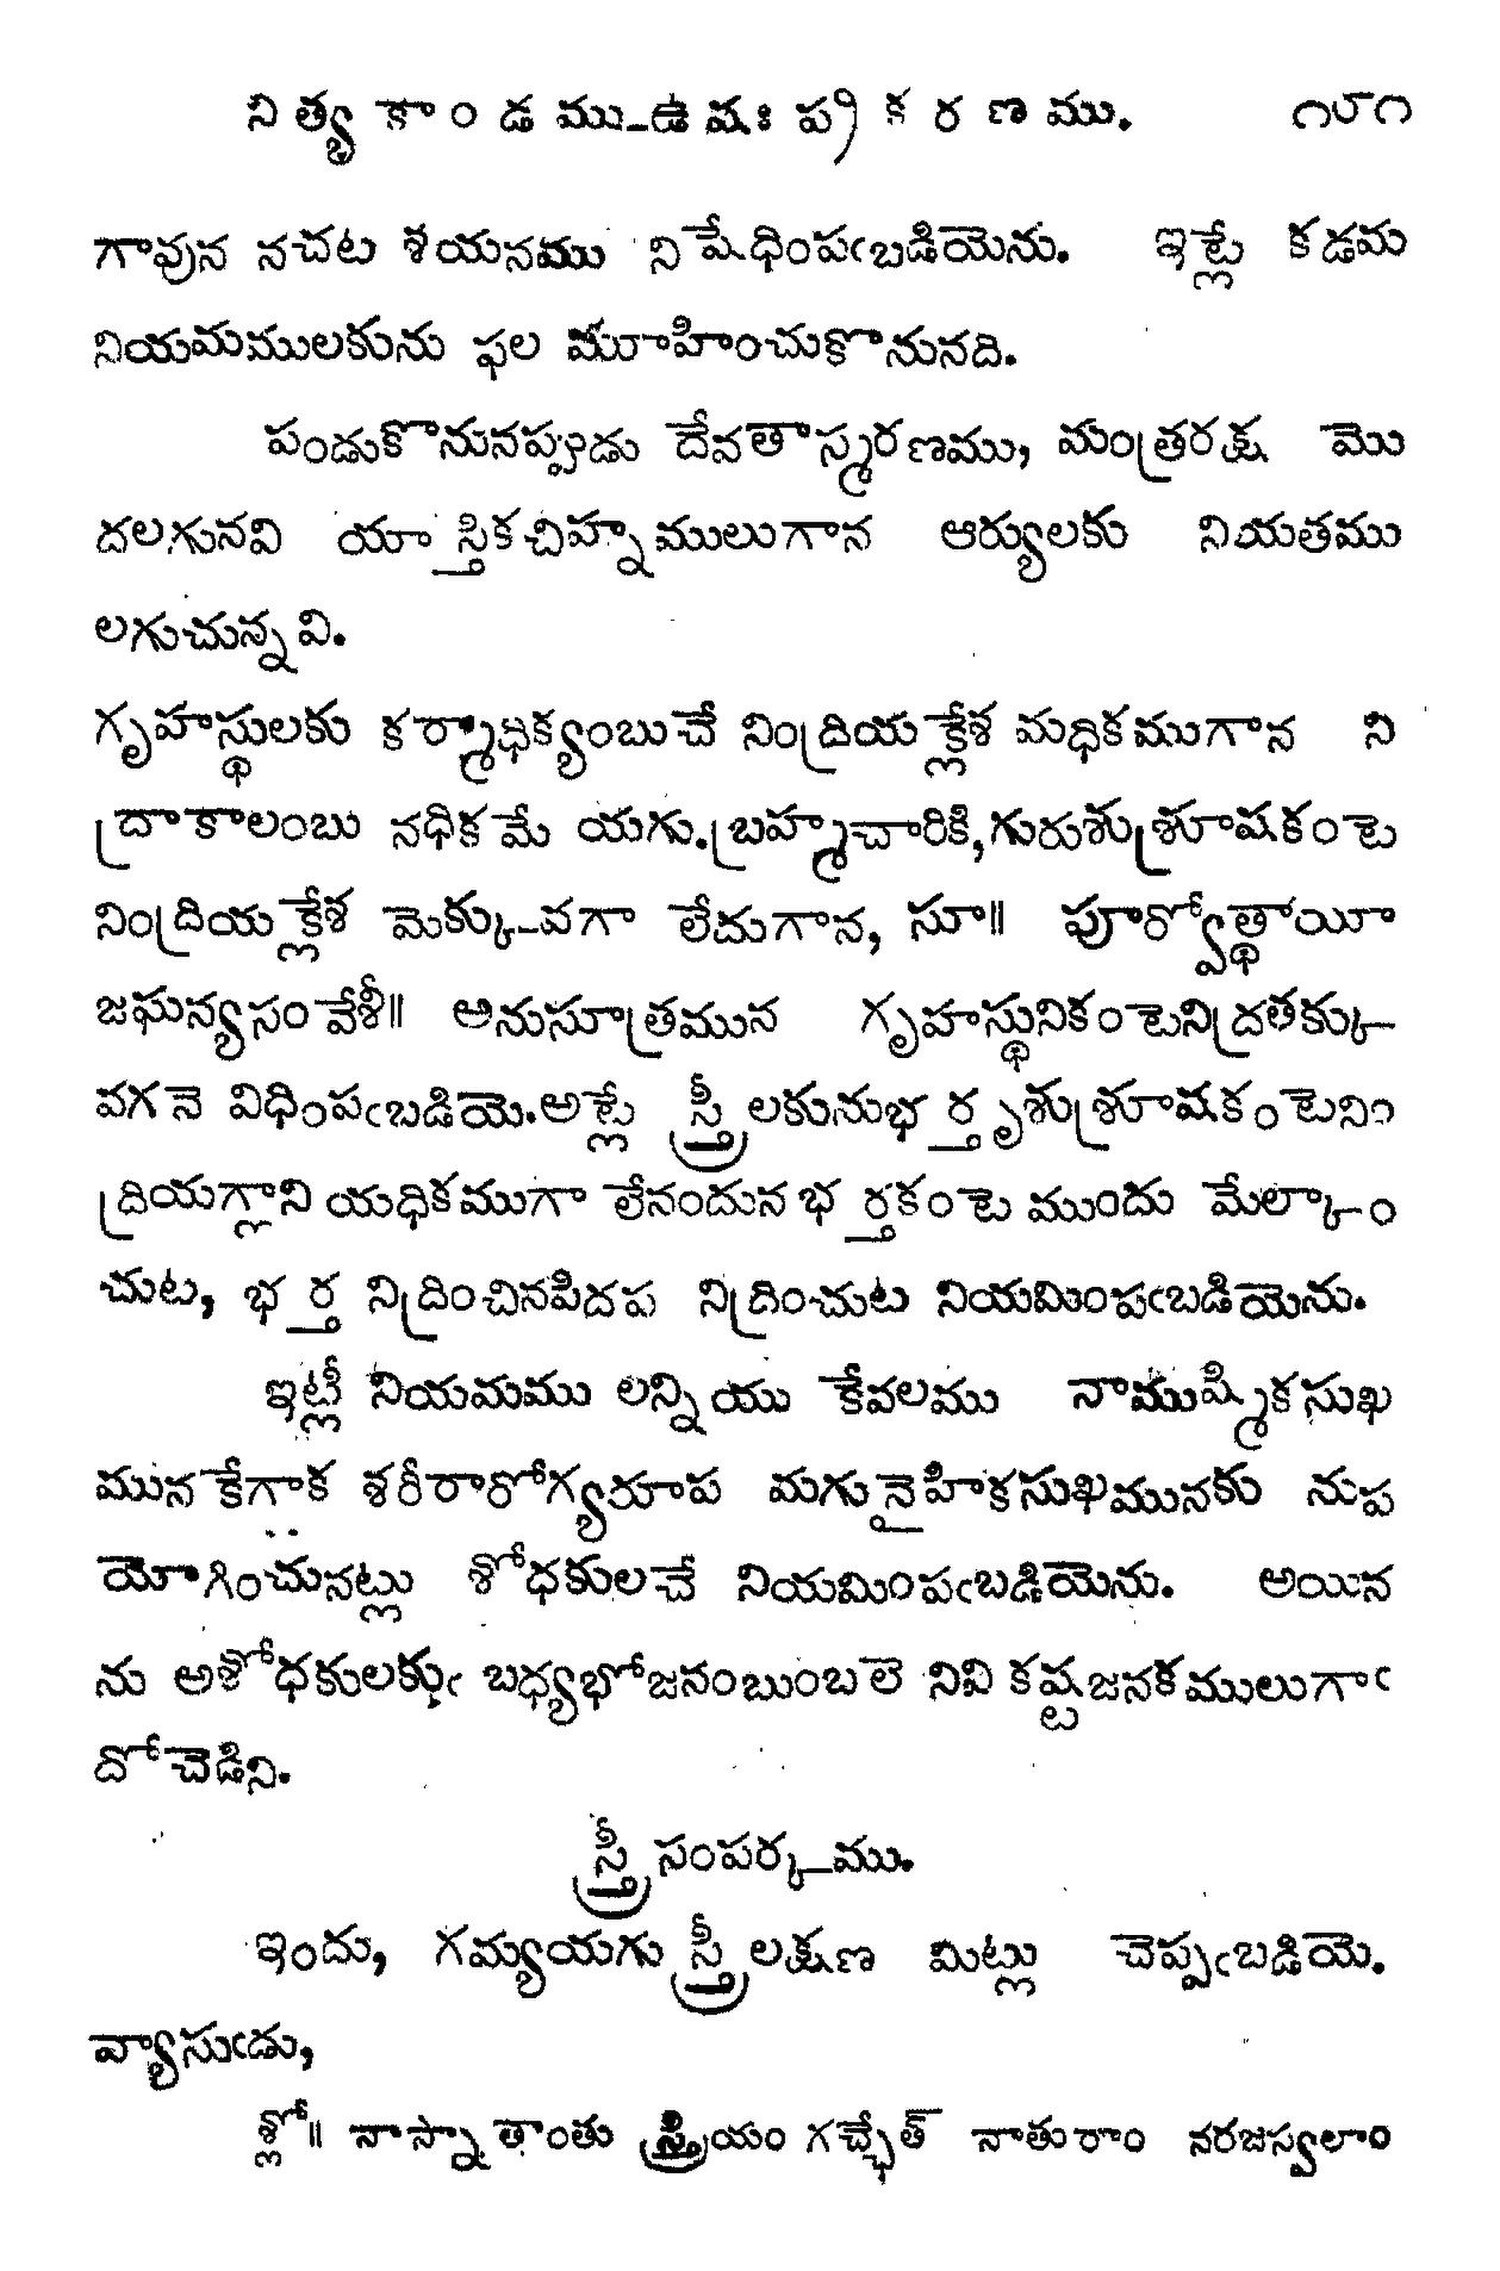గావున నచట శయనము నిషేధింపఁబడియెను. ఇట్లే కడమ నియమములకును ఫల మూహించుకొనునది.

పండుకొనునప్పుడు దేవతాస్మరణము, మంత్రరక్ష మొదలగునవి యాస్తికచిహ్నములుగాన ఆర్యులకు నియతము లగుచున్నవి.

గృహస్థులకు కర్మాధిక్యంబుచే నింద్రియ క్లేశ మధికముగాన నిద్రాకాలంబు నధికమే యగు. బ్రహ్మచారికి, గురుశుశ్రూషకంటె నింద్రియక్లేశ మెక్కువగా లేదుగాన, సూ॥ పూర్వోత్థాయీ జఘన్యసంవేశీ॥ అనుసూత్రమున గృహస్థునికంటెనిద్రతక్కువగనె విధింపఁబడియె.అట్లే స్త్రీలకును భర్తృశుశ్రూషకంటెనింద్రియగ్లాని యధికముగా లేనందున భర్తకంటె ముందు మేల్కాంచుట, భర్త నిద్రించినపిదప నిద్రించుట నియమింపఁబడియెను.

ఇట్లీ నియమము లన్నియు కేవలము నాముష్మికసుఖమునకేగాక శరీరారోగ్యరూప మగునైహికసుఖమునకు నుపయోగించునట్లు శోధకులచే నియమింపఁబడియెను. అయినను అశోధకులకుఁ బధ్యభోజనంబుంబలె నివి కష్టజనకములుగాఁ దోచెడిని.

ఇందు, గమ్యయగుస్త్రీలక్షణ మిట్లు చెప్పఁబడియె. వ్యాసుఁడు,

శ్లో॥ నాస్నాతాంతు స్త్రియం గచ్చేత్ నాతురాం నరజస్వలాం